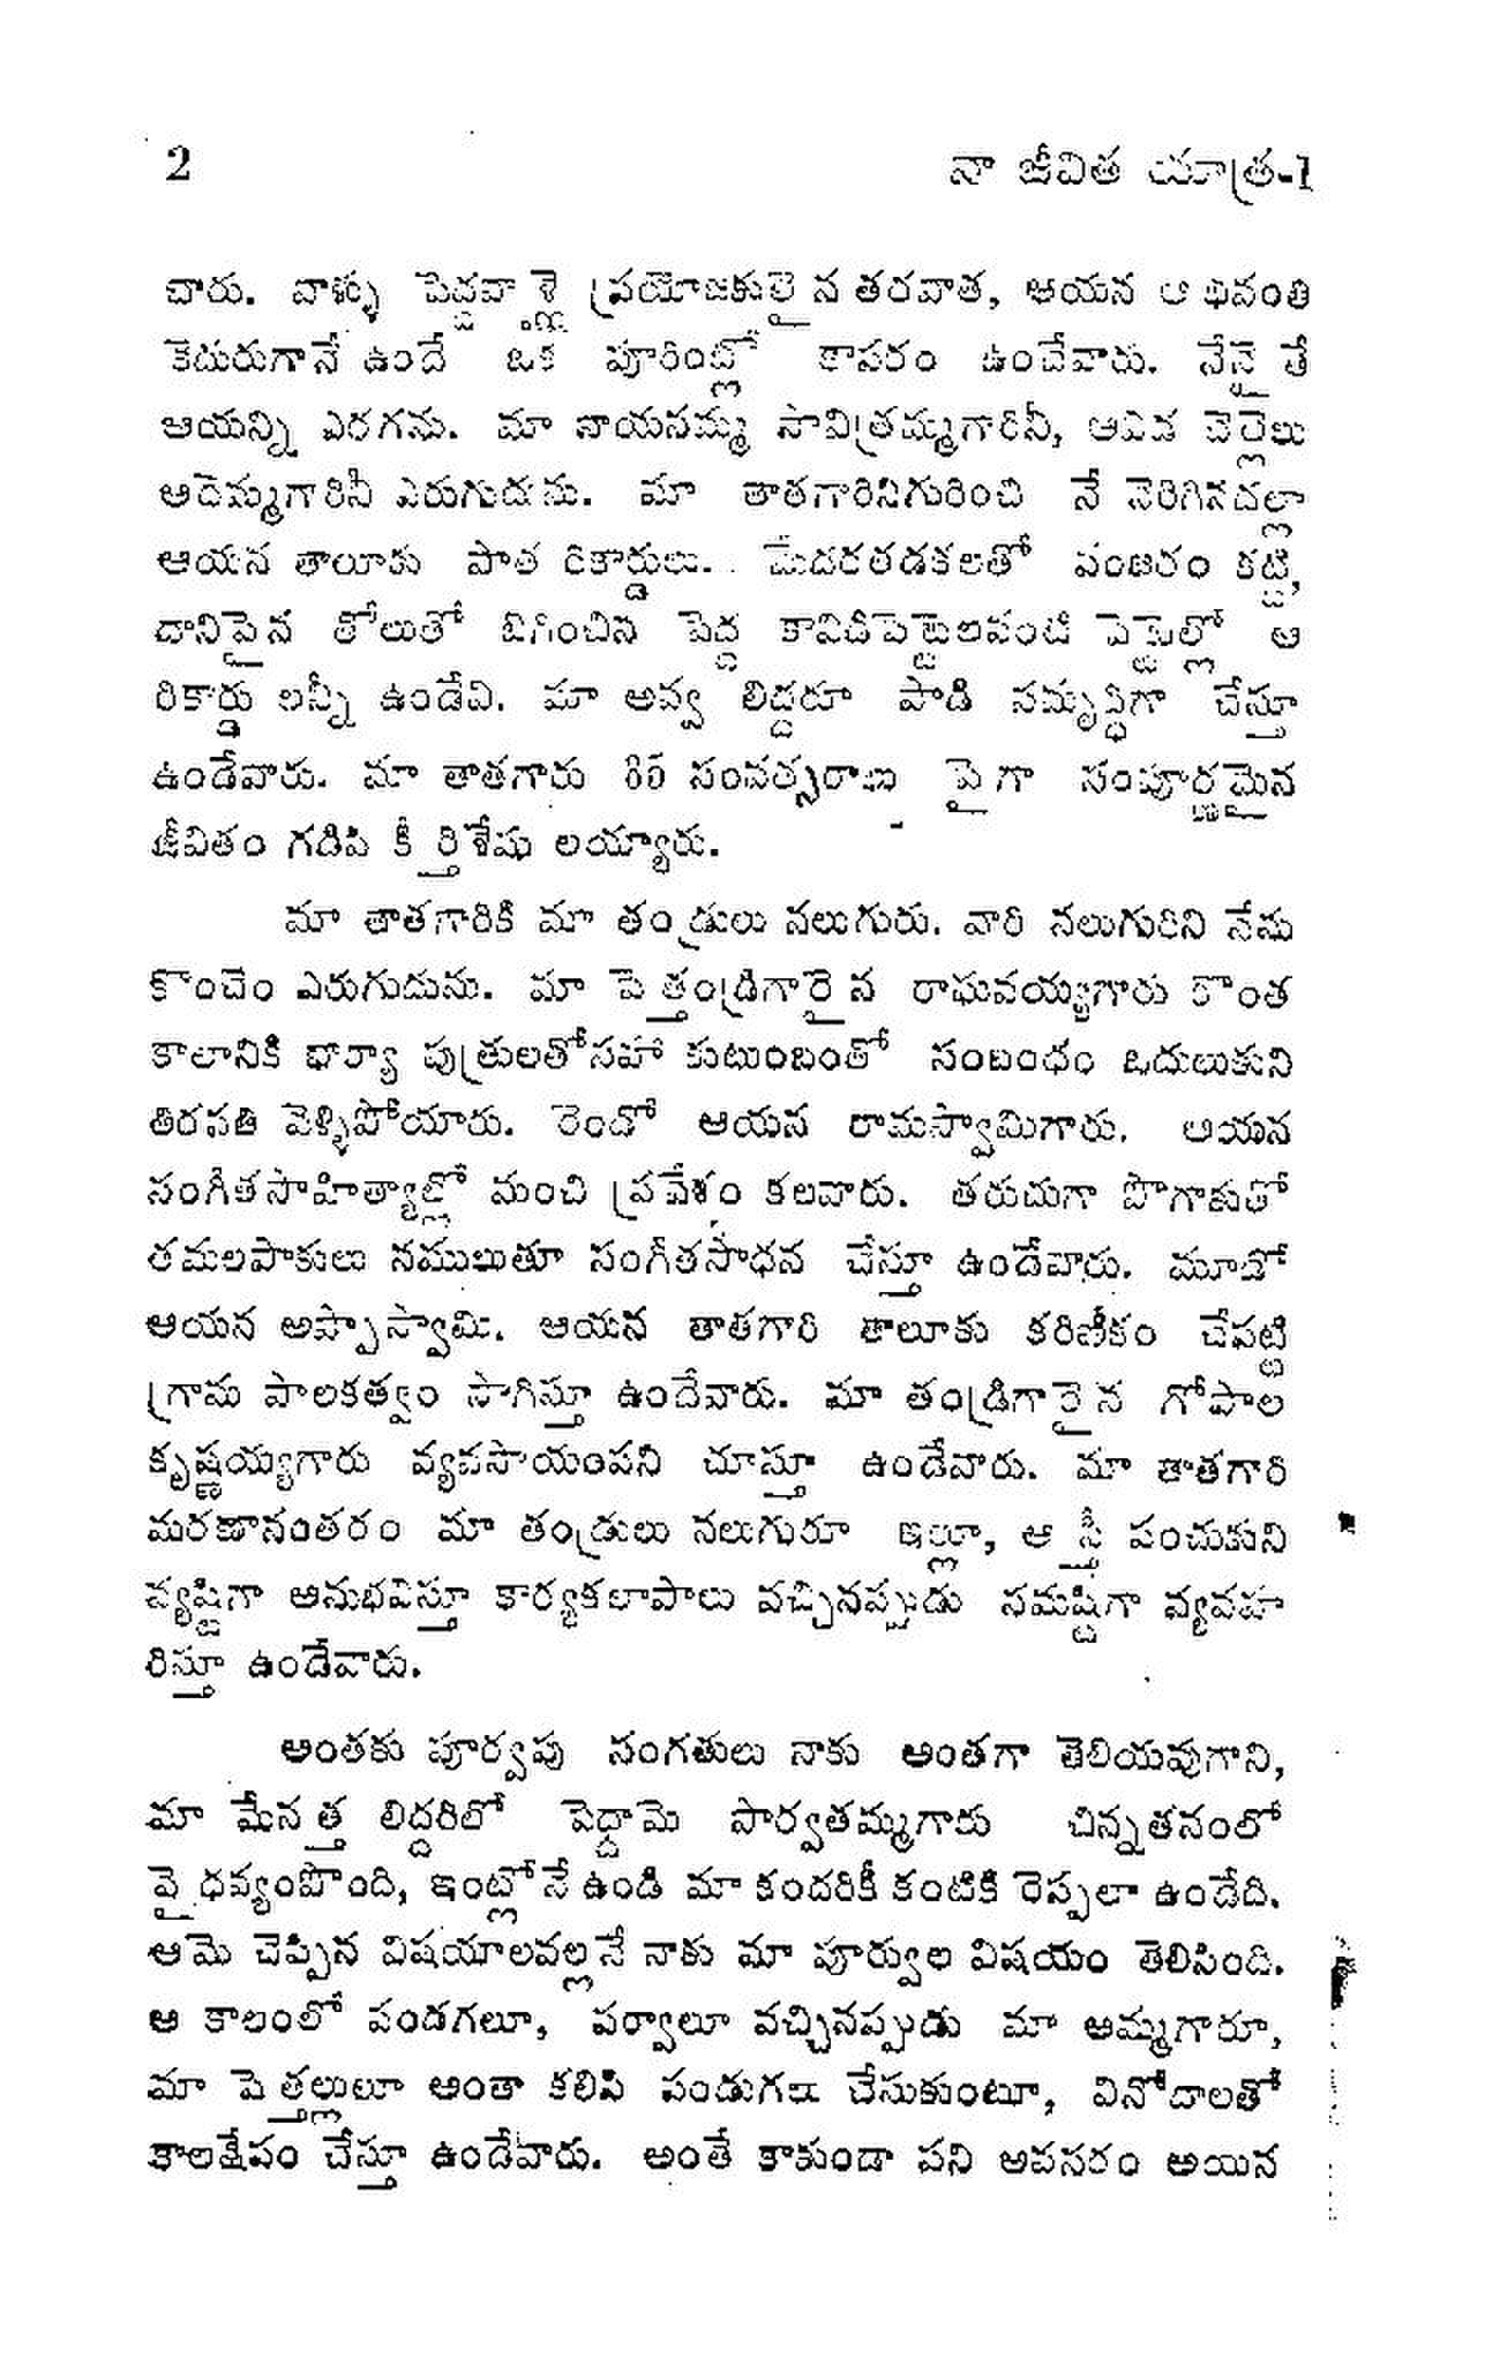చారు. వాళ్ళు పెద్దవాళ్లై ప్రయోజకులైన తరువాత, ఆయన ఆ భవంతి కెదురుగా ఉండే ఒక పూరింట్లో కాపరం ఉంచేవారు. నేనైతే ఆయన్ని ఎరగను. మా నాయనమ్మ సావిత్రమ్మగారినీ, ఆవిడ చెల్లెలు ఆదెమ్మగారినీ ఎరుగుదును. మా తాతగారినిగురించి నే నెరిగినదల్లా ఆయన తాలూకు పాత రికార్డులు. మేదరతడకలతో పంజరం కట్టి, దానిపైన తోలుతో బిగించిన పెద్ద కావిడిపెట్టెలవంటి పెట్టెల్లో ఆ రికార్డు లన్నీ ఉండేవి. మా అవ్వ లిద్దరూ పాడి సమృద్ధిగా చేస్తూ ఉండేవారు. మా తాతగారు 85 సంవత్సరాలు పైగా సంపూర్ణమైన జీవితం గడిపి కీర్తిశేషు లయ్యారు.

మా తాత గారికి మా తండ్రులు నలుగురు. వారి నలుగురిని నేను కొంచెం ఎరుగుదును. మా పెత్తండ్రిగారైన రాఘవయ్యగారు కొంత కాలానికి భార్యాపుత్రులతో సహా కుటుంబంతో సంబంధం ఒదులుకుని తిరుపతి వెళ్ళిపోయారు. రెండో ఆయన రామస్వామిగారు. ఆయన సంగీత సాహిత్యాల్లో మంచి ప్రవేశం కలవారు. తరుచుగా పొగాకుతో తమలపాకులు నములుతూ సంగీతసాధన చేస్తూ ఉండేవారు. మూడో ఆయన అప్పాస్వామి. ఆయన తాతగారి తాలుకు కరిణీకం చేపట్టి గ్రామ పాలకత్వం సాగిస్తూ ఉండేవారు. మా తండ్రిగారైన గోపాల కృష్ణయ్యగారు వ్యవసాయంపని చూస్తూ ఉండేవారు. మా తాతగారి మరణానంతరం మా తండ్రులు నలుగురూ ఇల్లూ, ఆస్తీ పంచుకుని వ్యష్టిగా అనుభవిస్తూ కార్యకలాపాలు వచ్చినప్పుడు సమిష్టిగా వ్యవహరిస్తూ ఉండేవారు.

అంతకు పూర్వపు సంగతులు నాకు అంతగా తెలియవుగాని, మా మేనత్తలిద్దరిలో పెద్దామె పార్వతమ్మగారు చిన్నతనంలో వైధవ్యం పొంది, ఇంట్లోనే ఉండి మా కందరికీ కంటికి రెప్పలా ఉండేది. ఆమె చెప్పిన విషయాలవల్లనే నాకు మా పూర్వుల విషయం తెలిసింది. ఆ కాలంలో పండగలూ, పర్వాలూ వచ్చినప్పుడు మా అమ్మగారూ, మా పెత్తల్లులూ, అంతా కలిసి పండుగలు చేసుకుంటూ, వినోదాలతో కాలక్షేపం చేస్తూ ఉండేవారు. అంతేకాకుండా పని అవసరం అయిన